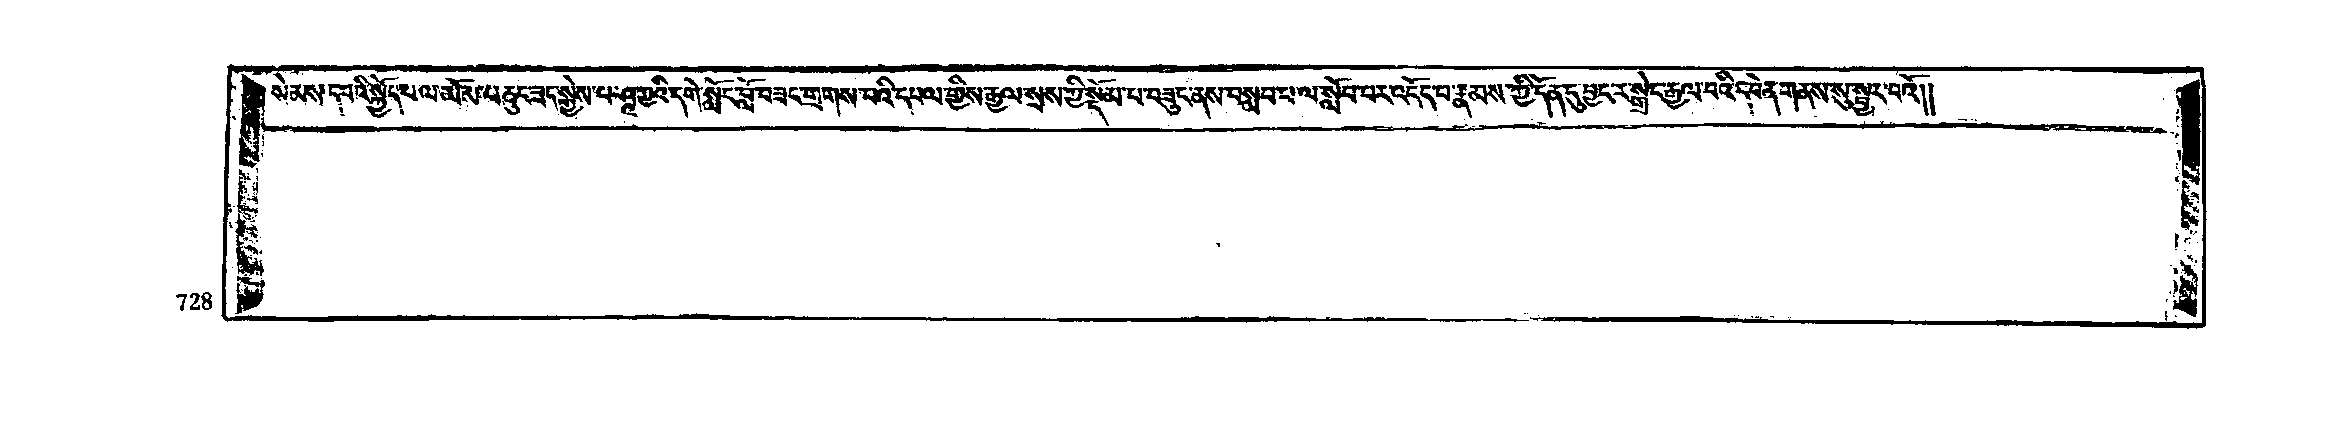སེམས་དཔའི་སྐྱོད་པ་ལ་མོས་པ་ཅུང་ཟད་སྐྱེས་པ་ཤཱཀྱའི་དགེ་སློང་བློ་བཟང་གྲགས་པའི་དཔལ་གྱིས་རྒྱལ་སྲས་ཀྱི་སྡོམ་པ་བཟུང་ནས་བསླབ་པ་ལ་སློབ་པར་འདོད་པ་རྣམས་ཀྱི་དོན་དུ་བྱང་ར་སྒྲེང་རྒྱལ་བའི་དབེན་གནས་སུ་སྦྱར་བའོ།།